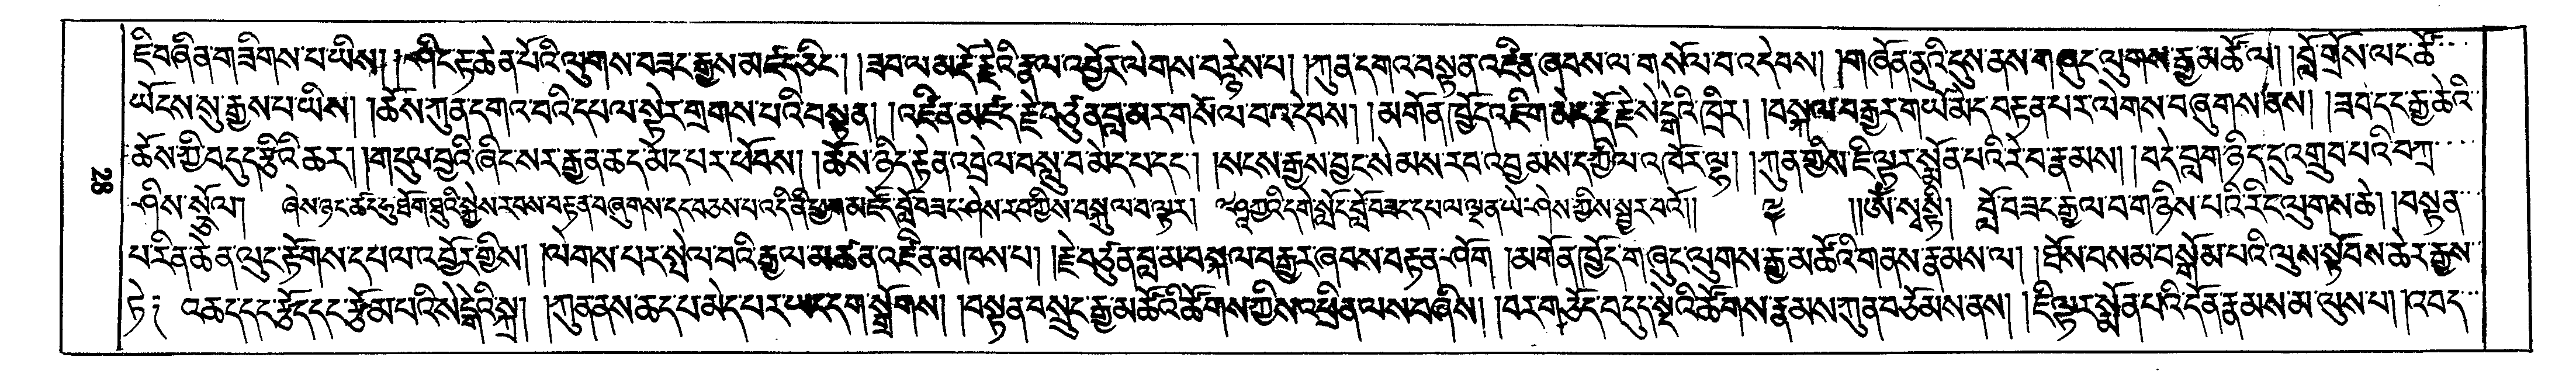ཇི་བཞིན་གཟིགས་པ་ཡིས། །ཤིང་རྟ་ཆེན་པོའི་ལུགས་བཟང་རྒྱས་མཛད་ཅིང་། །ཟབ་ལམ་རྡོ་རྗེའི་རྣལ་འབྱོར་ལེགས་བརྙེས་པ། །ཀུན་དགའ་བསྟན་འཛིན་ཞབས་ལ་གསོལ་བ་འདེབས། །གཞོན་ནུའི་དུས་ནས་གཞུང་ལུགས་རྒྱ་མཚོ་ལ། །བློ་གྲོས་ལང་ཚོ་
ཡོངས་སུ་རྒྱས་པ་ཡིས། །ཆོས་ཀུན་དགའ་བའི་དཔལ་སྟེར་གྲགས་པའི་བསྟན། །འཛིན་མཛད་རྗེ་བཙུན་བླ་མར་གསོལ་བ་འདེབས། །མགོན་ཁྱོད་འཇིག་མེད་རྡོ་རྗེ་སེངྒེའི་ཁྲིར། །བསྐལ་བརྒྱར་གཡོ་མེད་བརྟན་བར་ལེགས་བཞུགས་ནས། །ཟབ་དང་རྒྱ་ཆེའི་
ཆོས་ཀྱི་བདུད་རྩིའི་ཆར། །གདུལ་བྱའི་ཞིང་སར་རྒྱུན་ཆད་མེད་བར་ཕོབས། །ཆོས་ཉིད་རྟེན་འབྲེལ་བསླུ་བ་མེད་པ་དང་། །སངས་རྒྱས་བྱང་སེམས་རབ་འབྱམས་དཀྱིལ་འཁོར་ལྷ། །ཀུན་གྱིས་ཇི་ལྟར་སྨོན་པའི་རེ་བ་རྣམས། །བདེ་བླག་ཉིད་དུ་འགྲུབ་པའི་བཀྲ་
ཤིས་སྩོལ། ཞེས་ཉང་ཚང་ཧུ་ཐོག་ཐུའི་སྐྱེས་རབས་བརྟན་བཞུགས་དང་བཅས་པ་འདི་ནི་ཕྱག་མཛོད་བློ་བཟང་ཤེས་རབ་ཀྱིས་བསྐུལ་བ་ལྟར། ༧ཤཱཀྱའི་དགེ་སློང་བློ་བཟང་དཔལ་ལྡན་ཡེ་ཤེས་ཀྱིས་སྦྱར་བའོ།། ༈ །།ཨོཾ་སྭསྟི། བློ་བཟང་རྒྱལ་བ་གཉིས་པའི་རིང་ལུགས་ཆེ། །བསྟན་
པ་རིན་ཆེན་ལུང་རྟོགས་དཔལ་འབྱོར་གྱིས། །ལེགས་པར་སྤེལ་བའི་རྒྱལ་མཚན་འཛིན་མཁས་པ། །རྗེ་བཙུན་བླ་མ་བསྐལ་བརྒྱར་ཞབས་བརྟན་ཤོག །མགོན་ཁྱོད་གཞུང་ལུགས་རྒྱ་མཚོའི་གནས་རྣམས་ལ། །ཐོས་བསམ་བསྒོམ་པའི་ལུས་སྟོབས་ཆེར་རྒྱས་
ཏེ༑༑ འཆད་དང་རྩོད་དང་རྩོམ་པའི་སེངྒེའི་སྒྲ། །ཀུན་ནས་ཆད་པ་མེད་པར་ཡང་དག་སྒྲོགས། །བསྟན་བསྲུང་རྒྱ་མཚོའི་ཚོགས་ཀྱིས་འཕྲིན་ལས་བཞིས། །བར་གཅོད་བདུད་སྡེའི་ཚོགས་རྣམས་ཀུན་བཅོམས་ནས། །ཇི་ལྟར་སྨོན་པའི་དོན་རྣམས་མ་ལུས་བ། །འབད་